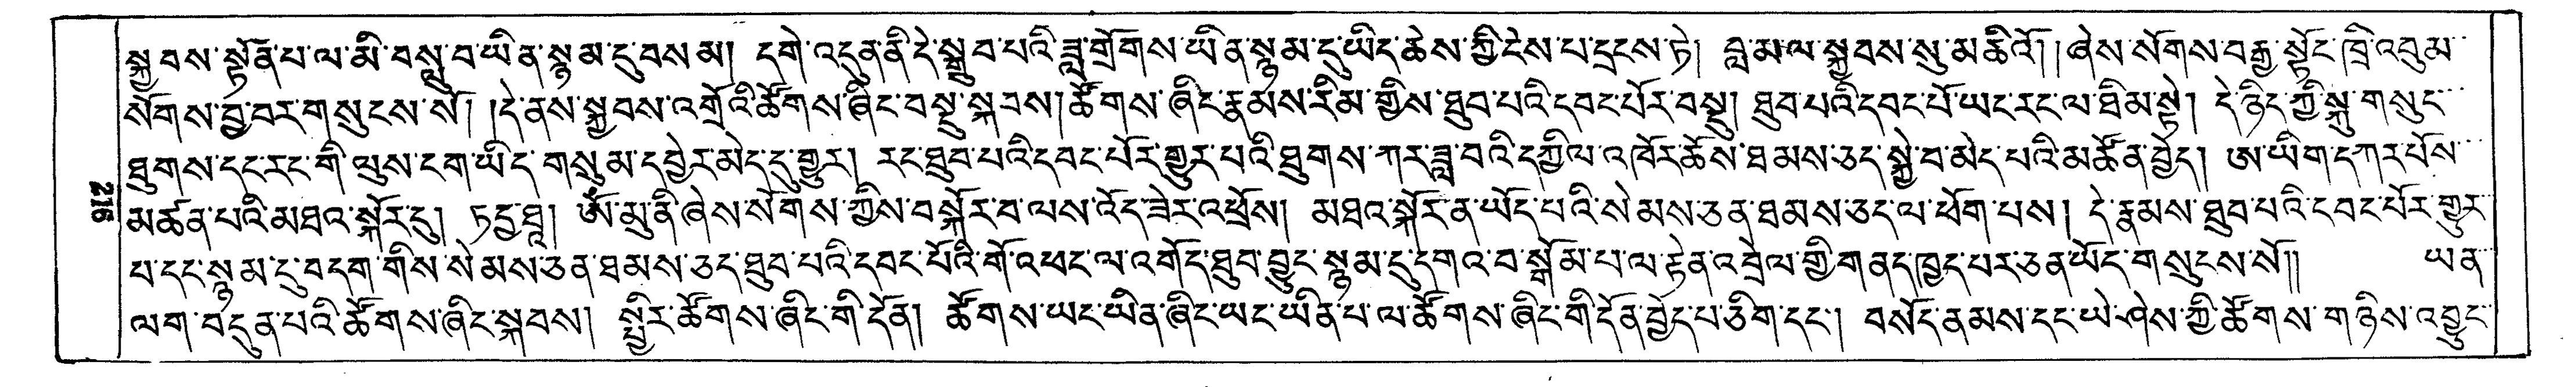སྐྱབས་སྟོན་པ་ལ་མི་བསླུ་བ་ཡིན་སྙམ་དུ་བསམ། དགེ་འདུན་ནི་དེ་སྒྲུབ་པའི་ཟླ་གྲོགས་ཡིན་སྙམ་དུ་ཡིད་ཆེས་ཀྱི་ངེས་པ་དྲངས་ཏེ། བླ་མ་ལ་སྐྱབས་སུ་མཆིའོ། །ཞེས་སོགས་བརྒྱ་སྟོང་ཁྲི་འབུམ་
སོགས་བྱ་བར་གསུངས་སོ། །དེ་ནས་སྐྱབས་འགྲོའི་ཚོགས་ཞིང་བསྡུ་སྐབས། ཚོགས་ཞིང་རྣམས་རིམ་གྱིས་ཐུབ་པའི་དབང་པོར་བསྡུ། ཐུབ་པའི་དབང་པོ་ཡང་རང་ལ་ཐིམ་སྟེ། དེ་ཉིད་ཀྱི་སྐུ་གསུང་
ཐུགས་དང་རང་གི་ལུས་ངག་ཡིད་གསུམ་དབྱེར་མེད་དུ་གྱུར། རང་ཐུབ་པའི་དབང་པོར་གྱུར་པའི་ཐུགས་ཀར་ཟླ་བའི་དཀྱིལ་འཁོར་ཆོས་ཐམས་ཅད་སྐྱེ་བ་མེད་པའི་མཚོན་བྱེད། ཨ་ཡིག་དཀར་པོས་
མཚན་པའི་མཐའ་སྐོར་དུ། ཏདྱ་ཐཱ། ཨོཾ་མུ་ནི་ཞེས་སོགས་ཀྱིས་བསྐོར་བ་ལས་འོད་ཟེར་འཕྲོས། མཐའ་སྐོར་ན་ཡོད་པའི་སེམས་ཅན་ཐམས་ཅད་ལ་ཕོག་པས། དེ་རྣམས་ཐུབ་པའི་དབང་པོར་གྱུར་
པ་དང་སྙམ་དུ་བདག་གིས་སེམས་ཅན་ཐམས་ཅད་ཐུབ་པའི་དབང་པོའི་གོ་འཕང་ལ་འགོད་ཐུབ་བྱུང་སྙམ་དུ་དགའ་བ་སྒོམ་པ་ལ་རྟེན་འབྲེལ་གྱི་གནད་ཁྱད་པར་ཅན་ཡོད་གསུངས་སོ།། ཡན་
ལག་བདུན་པའི་ཆོགས་ཞིང་སྐབས། སྤྱིར་ཚོགས་ཞིང་གི་དོན། ཚོགས་ཡང་ཡིན་ཞིང་ཡང་ཡིན་པ་ལ་ཚོགས་ཞིང་གི་དོན་བྱེད་པ་ཅིག་དང་། བསོད་ནམས་དང་ཡེ་ཤེས་ཀྱི་ཚོགས་གཉིས་འབྱུང་